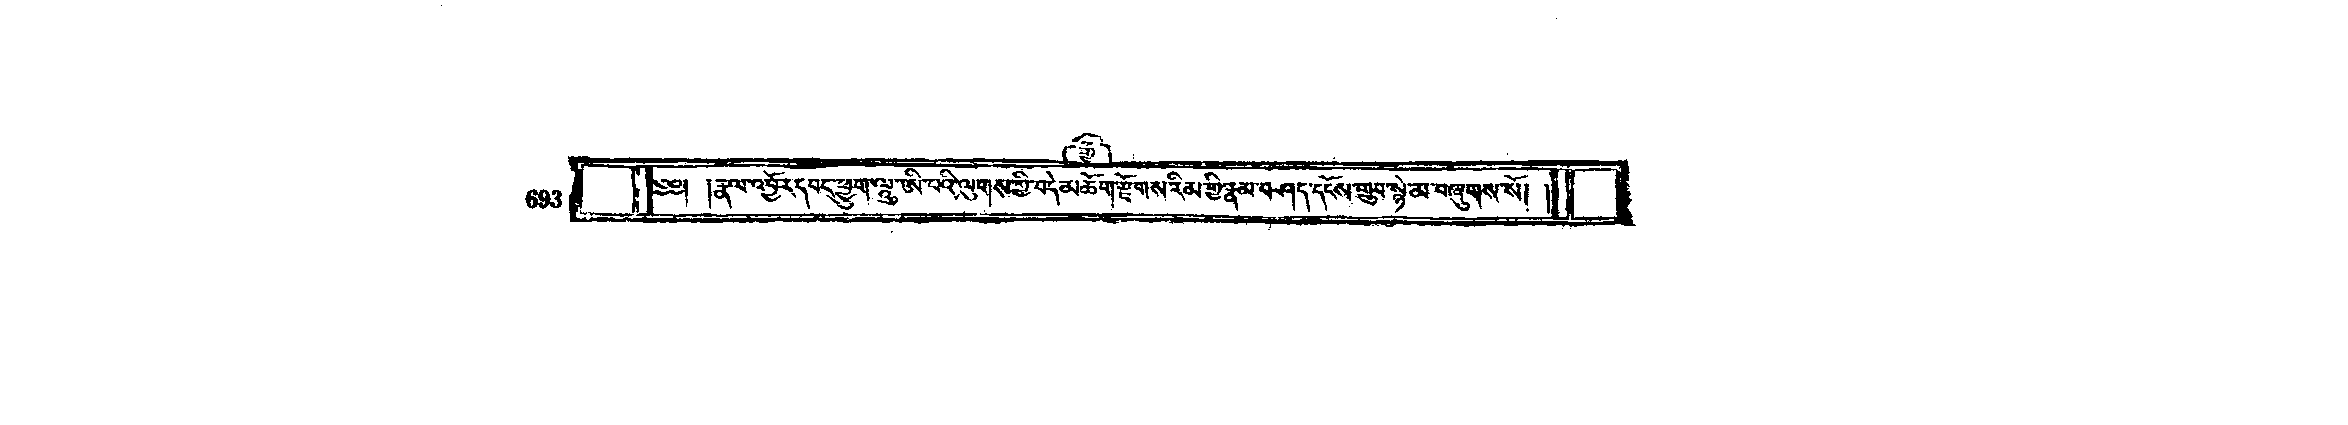༄༅། །རྣལ་འབྱོར་དབང་ཕྱུག་ལཱུ་ཨི་པའི་ལུགས་ཀྱི་བདེ་མཆོག་རྫོགས་རིམ་གྱི་རྣམ་བཤད་དངོས་གྲུབ་སྙེ་མ་བཞུགས་སོ། །